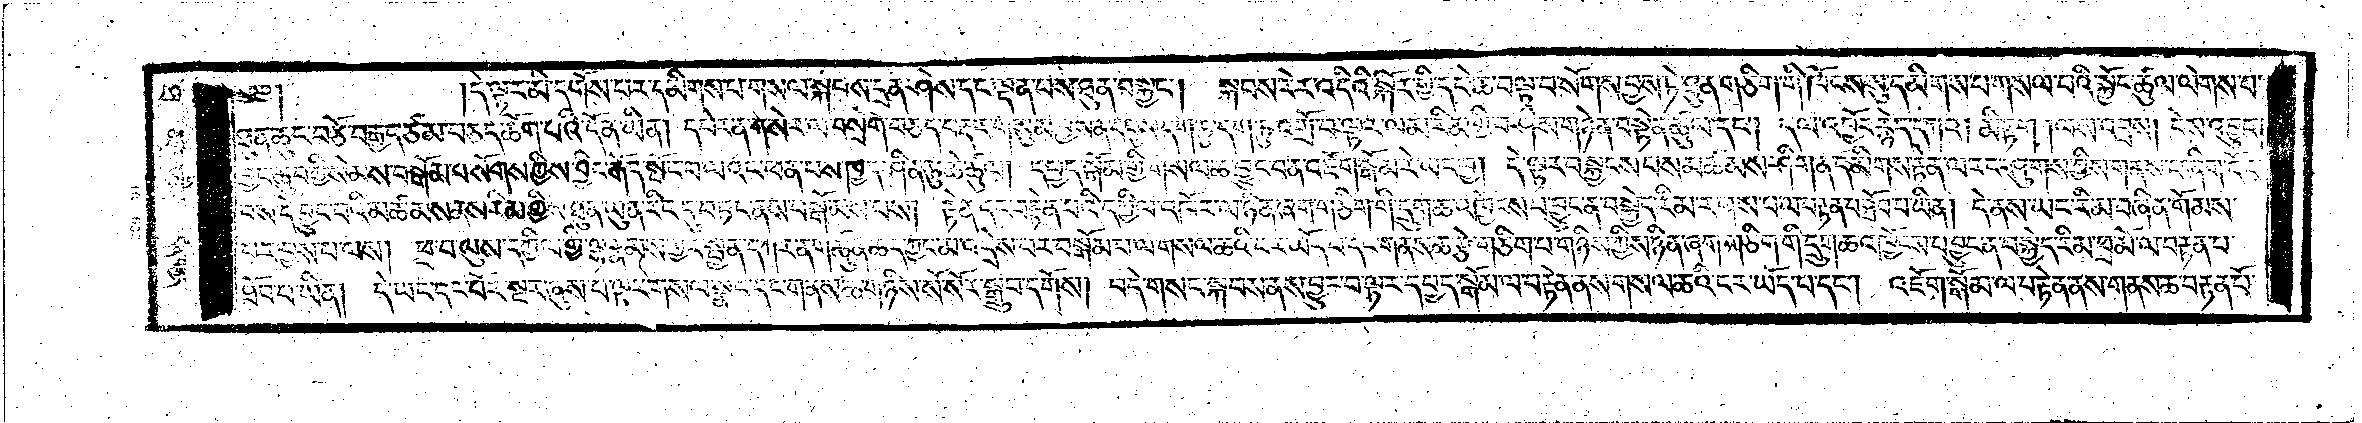༄༅། །དེ་ལྟར་མི་དགོས་པར་དམིགས་པ་གསལ་སྐབས་དྲན་ཤེས་དང་ལྡན་པས་ཐུན་བསྐྱང་། སྐབས་རེར་འདིའི་སྐོར་གྱི་དཔེ་ཆ་བལྟ་བ་སོགས་བྱས་ཏེ་ཐུན་གཅིག་གི་ཁོངས་སུ་དམིགས་པ་གསལ་བའི་སྐྱོང་ཚུལ་ལེགས་པ་
ཐུན་ཆུད་བཅོ་བརྒྱད་ཙམ་བཅད་ཆོག་པའི་དོན་ཡིན། དཔེར་ན་གསེར་ལ་བསྲེག་བཅད་བརྡར་གསུམ་བྱས་ན་དབུས་དག་ཏུ་དག་ཏུ་འགྲོ་བ་ལྟར་ལམ་རིམ་གྱི་བཤེས་གཉེན་བསྟེན་ཚུལ་དང་། དལ་འབྱོར་རྙེད་དཀའ། མི་རྟག །ལས་འབྲས། ངེས་འབྱུང་
བྱང་ཆུབ་ཀྱི་སེམས་བསྒོམ་པ་སོགས་ཀྱིས་བྱིང་རྒོད་སྤོང་བ་ལའང་ཕན་པས་ཁྱད་ཤིན་ཏུ་ཆེ་ཚུལ། དཔྱད་སྒོམ་གྱི་གསལ་ཆ་བྱུང་བ་ན་འཇོག་སྒོམ་རེ་ཡང་བྱ། དེ་ལྟར་བསྐྱངས་པས་མཚམས་ཤིག་ན་དམིགས་རྟེན་ལ་རང་ཤུགས་ཀྱིས་གནས་པ་ཞིག་འོང་
བས་དེ་བྱུང་བའི་མཚམས་ནས་རིམ་གྱིས་ཐུན་ཡུན་རིང་དུ་བཏང་ནས་བསྒོམས་པས། རྟེན་དང་བརྟེན་པའི་དཀྱིལ་འཁོར་ལ་ཉིན་ཞག་གཅིག་གི་དྲུག་ཆ་འཁྱོངས་པ་བྱུང་ན་བསྐྱེད་རིམ་རགས་པ་ལ་བརྟན་པ་ཐོབ་པ་ཡིན། དེ་ནས་ཡང་རིམ་བཞིན་གོམས་
པར་བྱས་པ་ལས། ཕྲ་བ་ལུས་དཀྱིལ་གྱི་ལྷ་རྣམས་ཀྱང་སྤྱན་དཀར་ནག་ཚུན་ཆད་ཀྱང་མ་འདྲེས་པར་བསྒོམ་པ་ལ་གསལ་ཆའི་ངར་ཡོད་པ་དང་གནས་ཆ་རྩེ་གཅིག་པ་གཉིས་ཀྱིས་ཉིན་ཞག་གཅིག་གི་དྲུག་ཆ་འཁྱོངས་པ་བྱུང་ན་བསྐྱེད་རིམ་ཕྲ་མོ་ལ་བརྟན་པ་
ཐོབ་པ་ཡིན། དེ་ཡང་དང་པོར་སྔར་ཞུས་པ་ལྟར་གསལ་སྣང་དང་གནས་ཆ་གཉིས་སོ་སོར་སྒྲུབ་དགོས། བདེ་གསང་སྐབས་ནས་བྱུང་བ་ལྟར་དཔྱད་སྒོམ་ལ་བརྟེན་ནས་གསལ་ཆའི་ངར་ཡོད་པ་དང་། འཇོག་སྒོམ་ལ་བརྟེན་ནས་གནས་ཆ་བརྟན་པོ་